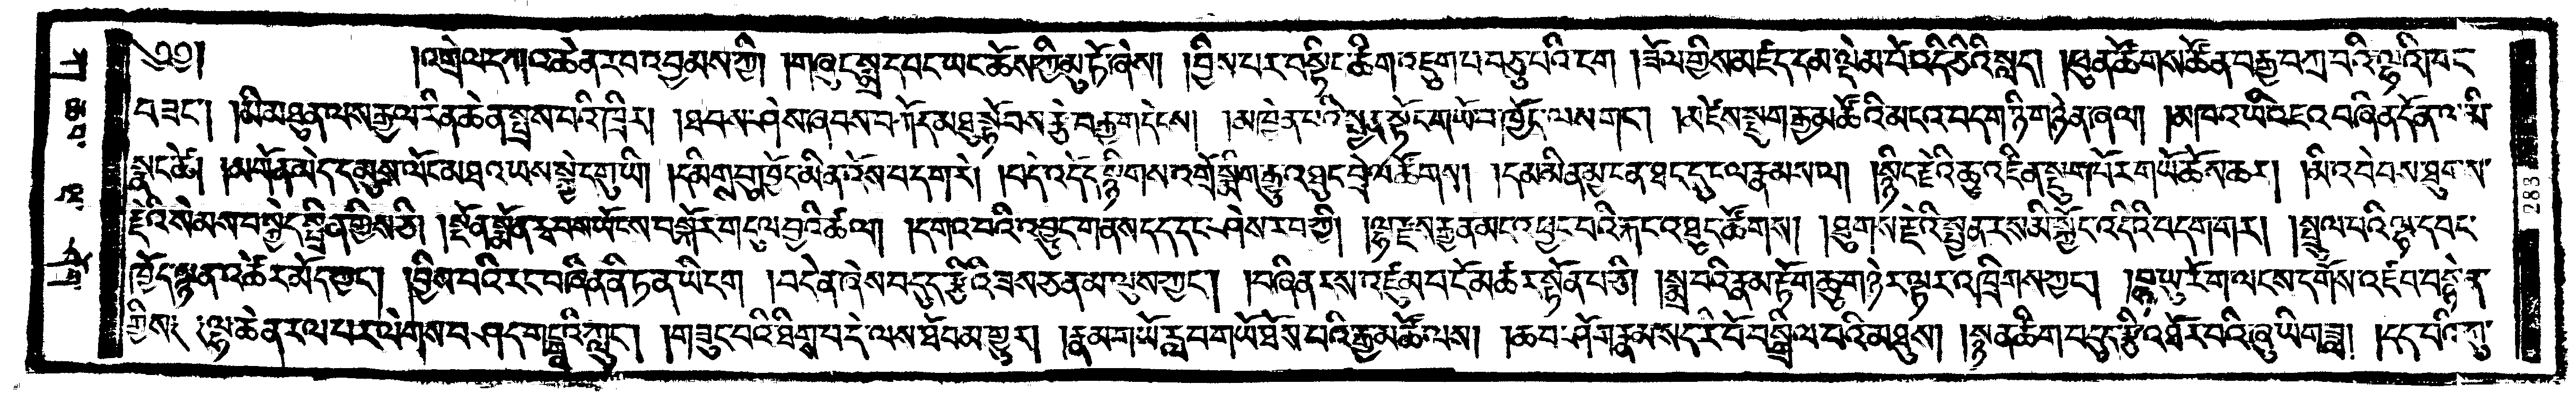༄༅། །འགྲེལ་དཀའ་ཆེན་རབ་འབྱམས་ཀྱི། །གཞུང་སྨྲ་དབང་ཡང་ཆོས་ཀྱི་མུ་ཏོ་ཞེས། །བྱིས་པར་བསྟིང་ཚིག་འཇུག་པ་བཅུ་བའི་ངག །ཟོལ་གྱིས་མཛད་དམ་ལྡེམ་བོ་འདི་ཅིའི་སླད། །ཕུན་ཚོགས་ཚོན་བརྒྱ་བཀྲ་བའི་ལྷའི་ཁང་
བཟང་། །མི་མཐུན་ལས་རྒྱལ་རིན་ཆེན་སྤྲས་བའི་ཁྲིར། །ཐབས་ཤེས་ཞབས་བཀོད་མཐུ་སྟོབས་རྩེ་བརྒྱ་གདེངས། །མཁྱེན་པའི་སྤྱན་སྟོང་གཡོབ་ཁྱོད་ལས་གང་། །མཛེས་སྡུག་རྒྱ་མཚོའི་མངའ་བདག་གཉིས་གཉེན་ཞལ། །མཁའ་ཡི་འཇའ་བཞིན་དོན་འ་མི་
སྣང་ཚེ། །མགོན་མེད་དམུས་ལོང་མཐའ་ཡས་སྐྱེ་དགུ་ཡི། །དམིགས་བུ་ཁྱོད་མིན་འོས་བདག་རེ། །བདེ་འདོད་སྙིགས་འགྲོ་སྨིགས་རྒྱུ་འཐུང་བྲེ་བ་ཚོགས། །དམ་མིན་མྱ་ངན་ཐང་དུ་ངལ་རྣམས་ལ། །སྙིང་རྗེའི་ཆུ་འཛིན་སྡུག་པོར་གཡོག་ཆོས་ཆར། །མི་འབེབས་ཐུགས་
རྗེའི་སེམས་བསྐྱེད་སྤྲིན་གྱིས་ཅི། །སྔོན་སྨོན་རྭབས་གཡོངས་བསྐོར་དངུལ་བྱའི་ཚལ། །དགའ་བའི་འབྱུང་གནས་དད་དང་ཤེས་རབ་ཀྱི། །ལྷ་རྫས་རྒྱན་མངའ་ཕྱང་བའི་རྐང་འཐུད་ཚོགས། །ཐུགས་རྗེའི་སྤྱན་རས་མི་སྐྱོང་འདིའི་བདག་གར། །སྤྲུལ་པའི་ལྷ་དབང་
ཁྱོད་སྙན་འཚེར་མོད་ཀྱང་། །བྱིས་བའི་རང་བཞིན་ནི་ཏན་ཡི་དག །བདེན་ཞེས་བདུད་རྩིའི་ཟས་ཅན་མ་ལུས་ཀྱང་། །བཞིན་རས་འཛུམ་བ་ངོ་མཚར་སྟོན་པ་ཅི། སྨྲ་བའི་རྣམ་རྟོག་ཆུ་གཉེར་ལྟར་འཁྲིགས་ཀྱང་། །བྷ་ཡུ་རོག་ལངས་དགོས་འཛབ་བསྙེན་
གྱིས། །ལྷ་ཆེན་རལ་པར་ལེགས་བཤད་གངྒཱའི་ཀླུང་། །གཟུང་བའི་ཐིགས་བདེ་ལས་ཐོབ་མ་གྱུར། །རྣམ་གཡོ་རླབ་གཡོ་ཐོས་བའི་རྒྱ་མཚོ་ལས། །ཆབ་ཤོག་རྣམ་སད་རི་བོ་བསྒྲིལ་བའི་མཐུས། །སྙན་ཚིག་བདུད་རྩི་འཐོར་བའི་བཞུ་ཡིག་ཟླ། །དད་པའི་ཀུ་